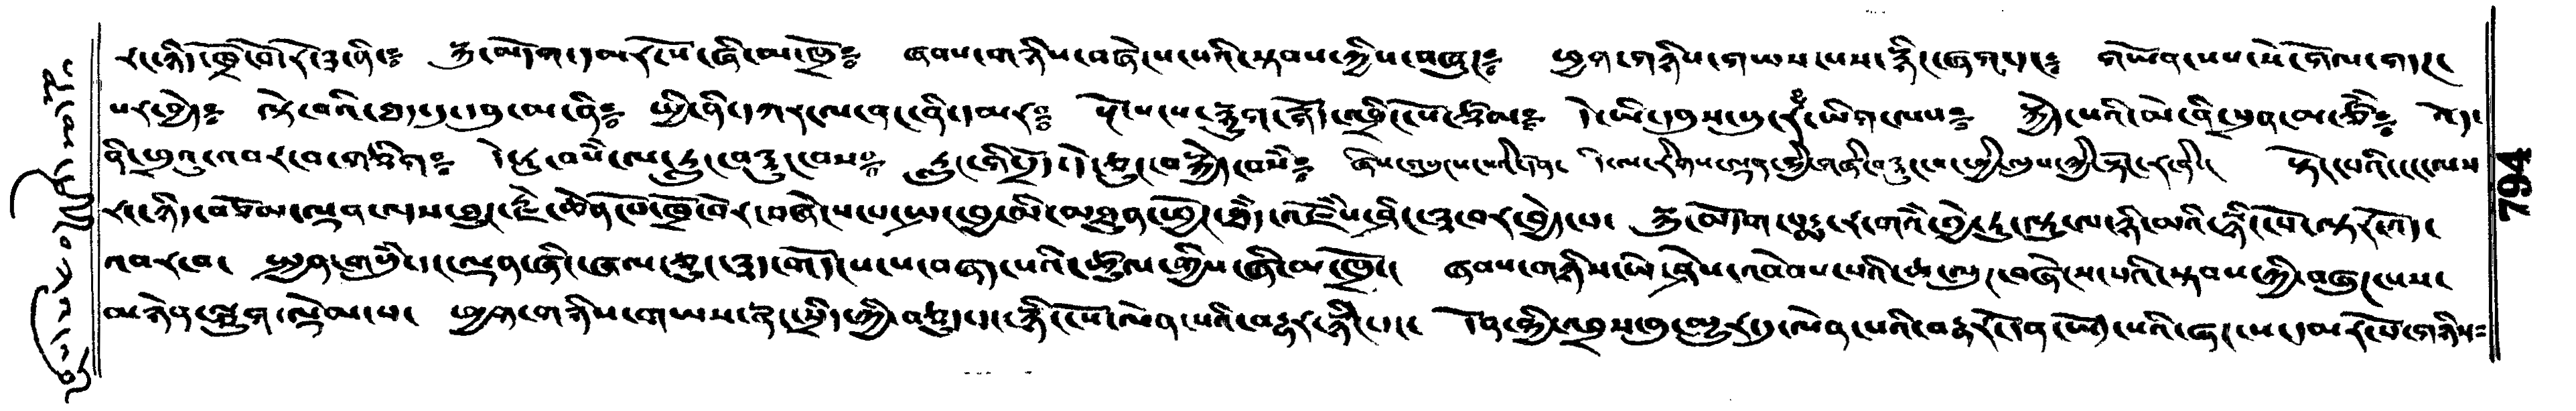རང་ཉིད་ཁྲོ་བོ་རོ་ཟ་ནི༔ སྐུ་མདོག་དམར་པོ་ཞི་མ་ཁྲོ༔ ཞབས་གཉིས་བཞེངས་པའི་སྟབས་ཀྱིས་བཞུགས༔ ཕྱག་གཉིས་གཡས་པས་སྙིང་ཞགས་དང༔ གཡོན་པས་སེ་གོལ་གཏོག་
པར་བྱེད༔ ལྟེ་བའི་ཐད་དུ་དབུ་མ་ནི༔ ཕྱི་ནི་དཀར་ལ་ནང་ནི་དམར༔ སྔོ་སངས་སྙུག་རྒོད་འབྲིང་པོ་ཙམ༔ དེ་ཡི་དབུས་སུ་རྃ་ཡིག་ལས༔ སྐྱེད་པའི་མེ་ནི་སྲན་མ་ཙམ༔ འོད་
ནི་ཕྲའུ་འབར་བ་ཞིག༔ དེ་རུ་བསམ་ལ་རླུང་བཟུང་བས༔ རླུང་གི་དྲོད་དེ་ཅུང་བསྐྱེད་བསམ༔ ཞེས་གསུངས་པའི་དོན། དེ་ལ་རིགས་ལྡན་གྱི་གཞི་བཟུང་བ་ཕྱི་ལུས་ཀྱི་སྟོང་ར་ནི། སྟོད་པའི་ངང་ལས་
རང་ཉིད་བཅོམ་ལྡན་འདས་ཐུགས་རྗེ་ཆེན་པོ་ཁྲོ་བོར་བཞེངས་པ་སྤང་བྱ་མི་མཐུན་ཕྱོགས་ཐམས་ཅད་འཇོམས་ཤིག་ཟ་བར་བྱེད་པ། སྐུ་མདོག་པདྨ་ར་གའམ་བྱེ་རུ་ལྟ་བུ་ལ་ཉི་མའི་སྙིང་པོ་ལྟར་འོད་
འབར་བ། སྤྱན་གསུམ་དང་ལྡན་ཞིང་ཞལ་ཅུང་ཟད་གདངས་པ་བཞད་པའི་ཚུལ་གྱིས་ཞི་མ་ཁྲོ། ཞབས་གཉིས་ཡེ་ཤེས་འབེབས་པའི་ཆ་ལུགས་བཞེངས་པའི་སྟབས་ཀྱི་བཞུགས་པས་
མཉེན་ལྕུག་ལྡེམ་པ། ཕྱག་གཉིས་གཡས་སྣང་སྲིད་ཀྱི་བཅུད་དང་སྙིང་པོ་ལེན་པའི་བརྡར་སྙིང་དང་། དོན་གྱི་འབྲས་བུ་མྱུར་དུ་ལེན་པའི་བརྡར་དོན་ཡོད་པའི་ཞགས་པ་དམར་པོ་གཉིས་